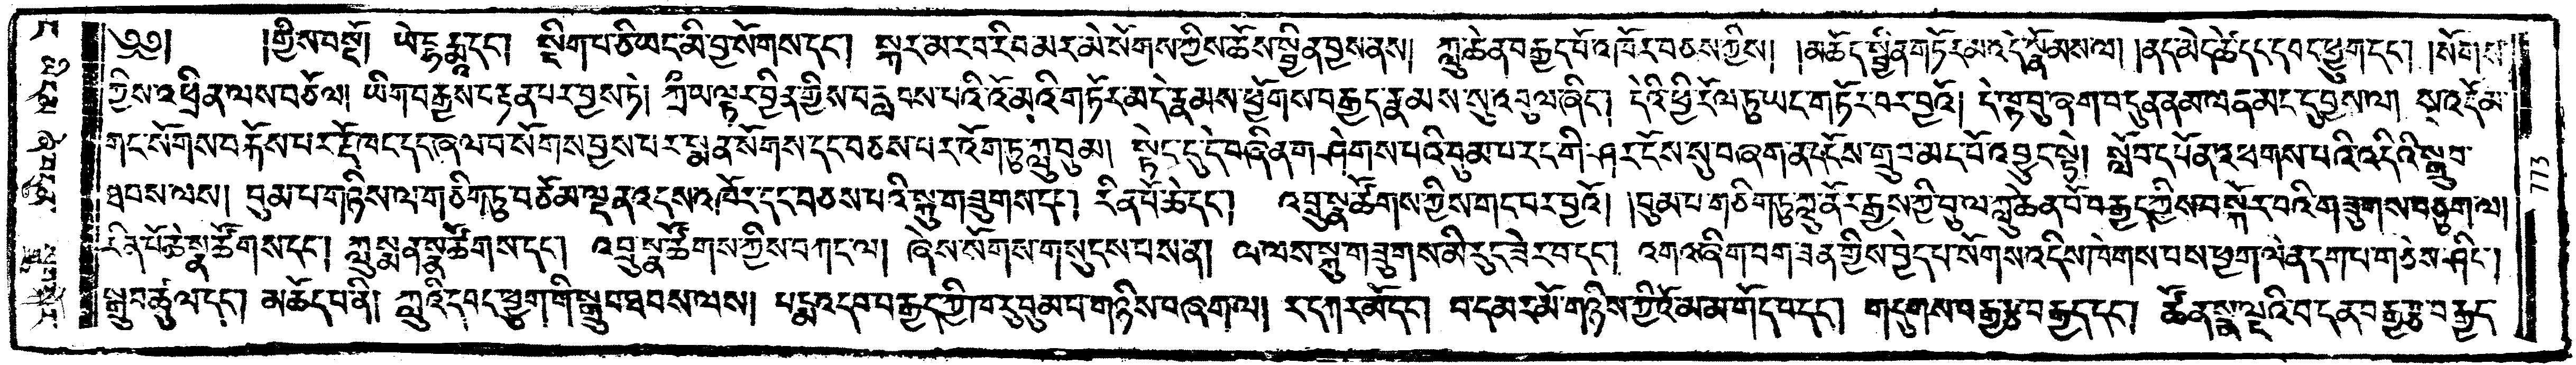༄༅། །གྱིས་བསྔོ། ཡེ་དྷརྨཱ་དང་། སྡིག་བ་ཅི་ཡང་མི་བྱ་སོགས་དང་། སྐར་མ་རབ་རིབ་མར་མེ་སོགས་ཀྱིས་ཆོས་སྦྱིན་བྱས་ནས། ཀླུ་ཆེན་བརྒྱད་པོ་འཁོར་བཅས་ཀྱིས། །མཆོད་སྦྱིན་གཏོར་མ་འདི་སྣོམས་ལ། །ནད་མེད་ཚེ་དང་དབང་ཕྱུག་དང་། །སོགས་
ཀྱིས་འཕྲིན་ལས་བཅོལ། ཡིག་བརྒྱས་བརྟན་པར་བྱས་ཏེ། ཀྲྀ་ཡ་ལྟར་བྱིན་གྱིས་བརླབས་པའི་འོ་མའི་གཏོར་མ་དེ་རྣམས་ཕྱོགས་བརྒྱད་རྣམས་སུ་འབུལ་ཞིང་། དེའི་ཕྱི་རོལ་ཏུ་ཡང་གཏོར་བར་བྱའོ། དེ་ལྟ་བུ་ཞག་བདུན་ནམ་ལན་མང་དུ་བྱས་ལ། ས་འདོ་མི་
གང་སོགས་བརྐོས་པར་རྡོ་ཁང་དང་ཞལ་བ་སོགས་བྱས་པར་སྨན་སོགས་དང་བཅས་པར་འོག་ཏུ་ཀླུ་བུམ། སྟེང་དུ་དེ་བཞིན་གཤེགས་པའི་བུམ་པ་རང་གི་ཤར་ངོས་སུ་བཞག་ན་དངོས་གྲུབ་མང་པོ་འབྱུང་སྟེ། སློབ་དཔོན་འཕགས་པའི་འདིའི་སྒྲུབ་
ཐབས་ལས། བུམ་པ་གཉིས་ལ་གཅིག་ཏུ་བཅོམ་ལྡན་འདས་འཁོར་དང་བཅས་པའི་སྐུ་གཟུགས་དང་། རིན་པོ་ཆེ་དང་། འབྲུ་སྣ་ཚོགས་ཀྱིས་གང་བར་བྱའོ། །བུམ་པ་གཅིག་ཏུ་ཀླུ་ནོར་རྒྱས་ཀྱི་བུ་ལ་ཀླུ་ཆེན་པོ་བརྒྱད་ཀྱིས་བསྐོར་བའི་གཟུགས་བཅུག་ལ།
རིན་པོ་ཆེ་སྣ་ཚོགས་དང་། ཀླུ་སྨན་སྣ་ཚོགས་དང་། འབྲུ་སྣ་ཚོགས་ཀྱིས་བཀང་ལ། ཞེས་སོགས་གསུངས་པས་ན། ལ་ལས་སྐུ་གཟུགས་མི་རུང་ཟེར་བ་དང་། འགའ་ཞིག་བག་ཟན་གྱིས་བྱེད་པ་སོགས་འདིས་ཁེགས་པས་ཕྱག་ལེན་དག་པ་གཅེས་ཤིང་།
སྒྲུབ་ཚུལ་དང་། མཆོད་པ་ནི། ཀླུའི་དབང་ཕྱུག་གི་སྒྲུབ་ཐབས་ལས། པདམ་འདབ་བརྒྱད་ཀྱི་ཁ་རུ་བུམ་པ་གཉིས་བཞག་ལ། ར་དཀར་མོ་དང་། བ་དམར་མོ་གཉིས་ཀྱི་འོ་མ་མ་གོད་བ་དང་། གདུགས་བརྒྱ་རྩ་བརྒྱད་དང་། ཚོན་སྣ་ཚོགས་ལྔའི་བ་དན་བརྒྱ་རྩ་བརྒྱད་